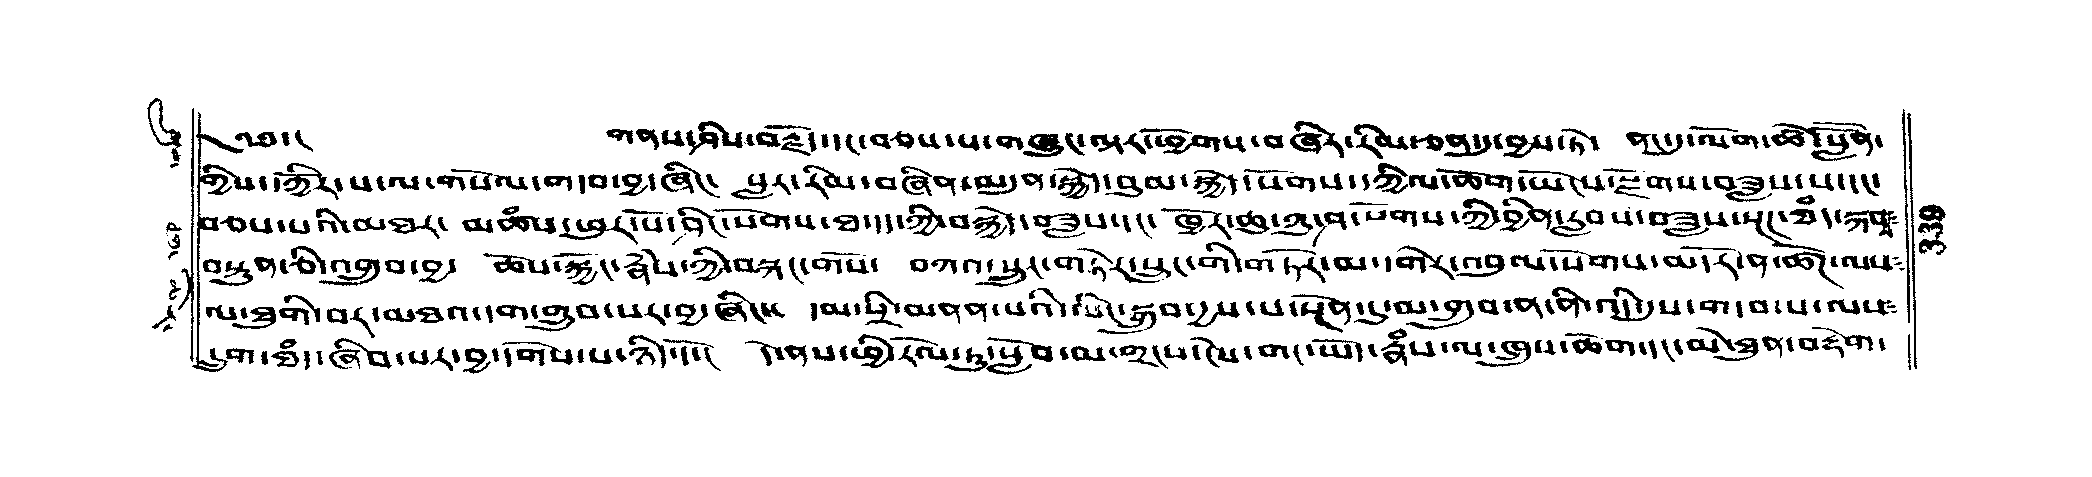གནས་ཤིས་བརྗོད་དང་བཅས་པ་གཞུང་ལྟར་ཕྱོགས་བཞིར་རིམ་ཅན་དུ་བྱས་ཏེ། ནང་དུ་ལོག་ཚེ་སློབ་དཔོན་
གྱིས་དཀྱིལ་འཁོར་ས་ལ་གསོལ་གདབ་བྱ་ཞིང་། སླར་རིམ་བཞིན་མདུན་བསྐྱེད་བུམ་བསྐྱེད་སོགས་དཀྱིལ་ཆོག་ཡོངས་རྫོགས་བཟླས་པ་དང་
བཅས་པའི་མཐར། མཚམས་ཕུར་སོ་ཤིང་སོགས་ཐ་དད་ཀྱི་བསྐྱེད་བཟླས་དང་། ཁྱོར་ཆུ་ཀུ་ཤ་སོགས་ཀྱི་བྱིན་རླབས་བཟླས་པ་སྔགས་ཐམས་ཅད་སྐབས་
བསྟུན་ཅི་འགྲུབ་བྱ། ཆོས་སྐྱོང་རྣམས་ཀྱིས་བསྐང་གསོ། བཀའ་སྲུང་གཏེར་སྲུང་གི་གཏོར་མ་དགེར་འབུལ་སོགས་མདོར་ན་ཚོགས་ལས་
ལ་ཐུག་གི་བར་མཐའ་དག་གྲུབ་པར་བྱ་ཞིང་། དམ་སྲི་མནན་པའི་ལིང་སྒྲུབ་རྒྱས་པ་སྔོན་དུ་མ་སྒྲུབ་ན་ནི་འདི་དུས་གདབ་པ་ལས་
དྲུག་ཐམས་ཅད་ཞིབ་པར་བྱ་དགོས་པ་ཉིད་དོ།དེ་ནས་ཕྱི་རོལ་ཏུ་སློབ་མ་གྲངས་ངེས་གང་ཡོད་རྣམས་ལ་ཁྲུས་ཆོག་དང་མེ་ཐུན་བརྡེག་